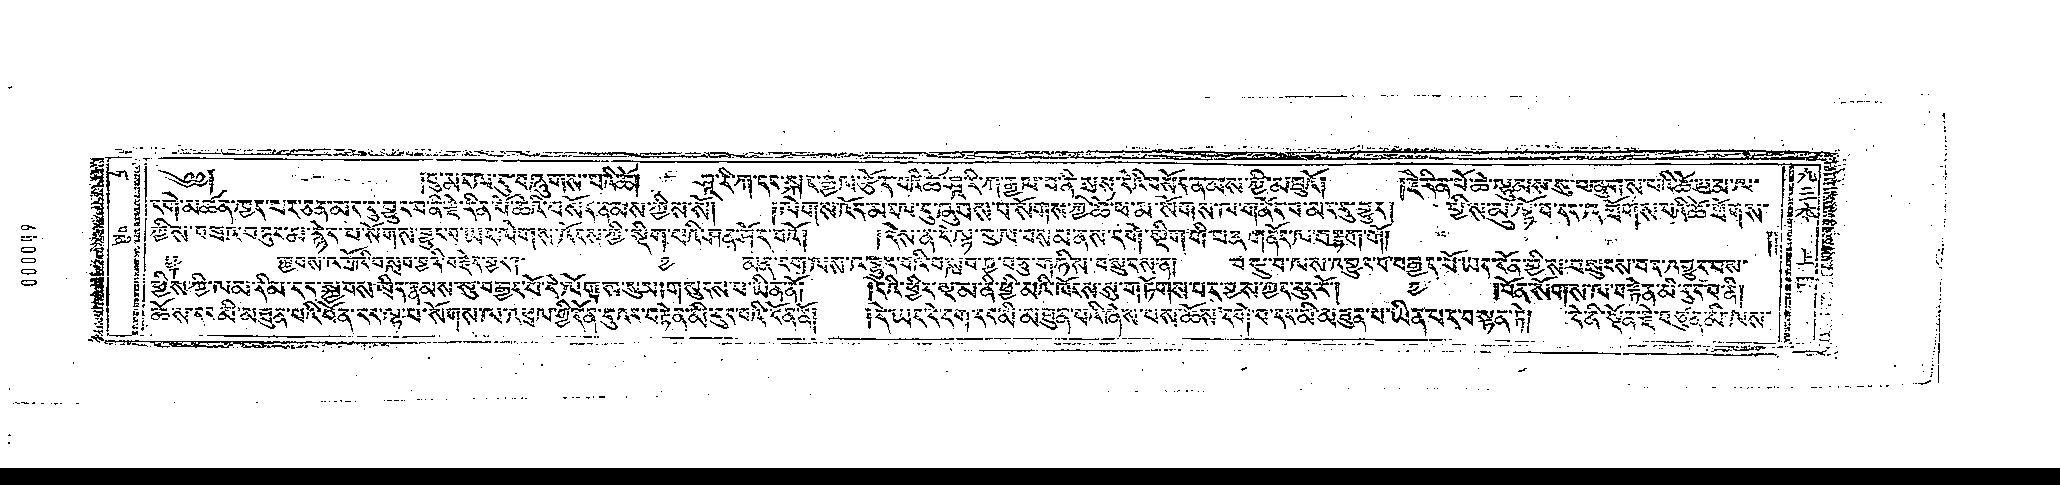༄༅། །བུ་མདལ་དུ་བཞུགས་པའི་ཚེ། ཤཱ་རི་ཀ་དང་སྐར་རྒྱལ་རྩོད་པའི་ཚེ་ཤཱ་རི་ཀ་རྒྱལ་བ་ནི་སྲས་དེའི་བསོད་ནམས་ཀྱི་མཐུའོ། །རྗེ་རིན་པོ་ཆེ་ལྷུམས་སུ་བཞུགས་པའི་ཚེ་ཡུམ་ལ་
དགེ་མཚན་ཁྱད་པར་ཅན་མང་དུ་བྱུང་བ་ནི་རྗེ་རིན་པོ་ཆེའི་བསོད་ནམས་ཀྱིས་སོ། །ལེགས་འོད་མངལ་དུ་ཞུགས་པ་སོགས་ཀྱི་ཚེ་ཕམ་སོགས་ལ་གནོད་པ་མང་དུ་བྱུང་། ཕྱིས་མུ་ལྟོ་བ་དང་འགྲོགས་པའི་ཚེ་གྲོགས་
ཀྱིས་བཟའ་བཏུང་མ་རྙེད་པ་སོགས་བྱུང་བ་ཡང་ལེགས་འོངས་ཀྱི་སྡིག་པའི་ཤན་ཤོར་བའོ། །དེས་ན་དེ་ལྟ་བུ་ལ་བསམ་ནས་དགེ་སྡིག་གི་ཕན་གནོད་ལ་བརྟག་གོ། །།
༈ སྐྱབས་འགྲོའི་བསླབ་བྱའི་བརྗེད་བྱང་། ༈ མན་དག་ལས་འབྱུང་བའི་བསླབ་བྱ་བཅུ་གཉིས་བསྲུངས་ན། བསྡུ་བ་ལས་འབྱུང་བ་བརྒྱད་པོ་ཡང་དོན་གྱིས་བསྲུངས་པར་འགྱུར་བས་
ཕྱིས་ཀྱི་ལམ་རིམ་དང་སྐྱབས་ཁྲིད་རྣམས་སུ་བརྒྱད་པོ་དེ་ལོགས་སུམ་གསུངས་པ་ཡིན་ནོ། །དེའི་ཕྱིར་སྔ་མ་ནི་ཕྱི་མའི་ཁོངས་སུ་གཏོགས་པར་བྱས་ཀྱང་རུང་དོ། ༧་།བོན་སོགས་ལ་བརྟེན་མི་རུང་བ་ནི།
ཆོས་དང་མི་མཐུན་པའི་བོན་དང་ལྷ་པ་སོགས་ལ་འཕྲལ་གྱི་དོན་དུ་འདི་བརྟེན་མི་རུང་བའི་དོན་ནོ། །དེ་ཡང་དེ་དག་དང་མི་མཐུན་པའི་ཞེས་པས་ཆོས་དགེ་བ་དང་མི་མཐུན་པ་ཡིན་པར་བསྟན་ཏེ། དེ་ནི་སྔོན་རྗེ་བཙུན་མི་ལས་